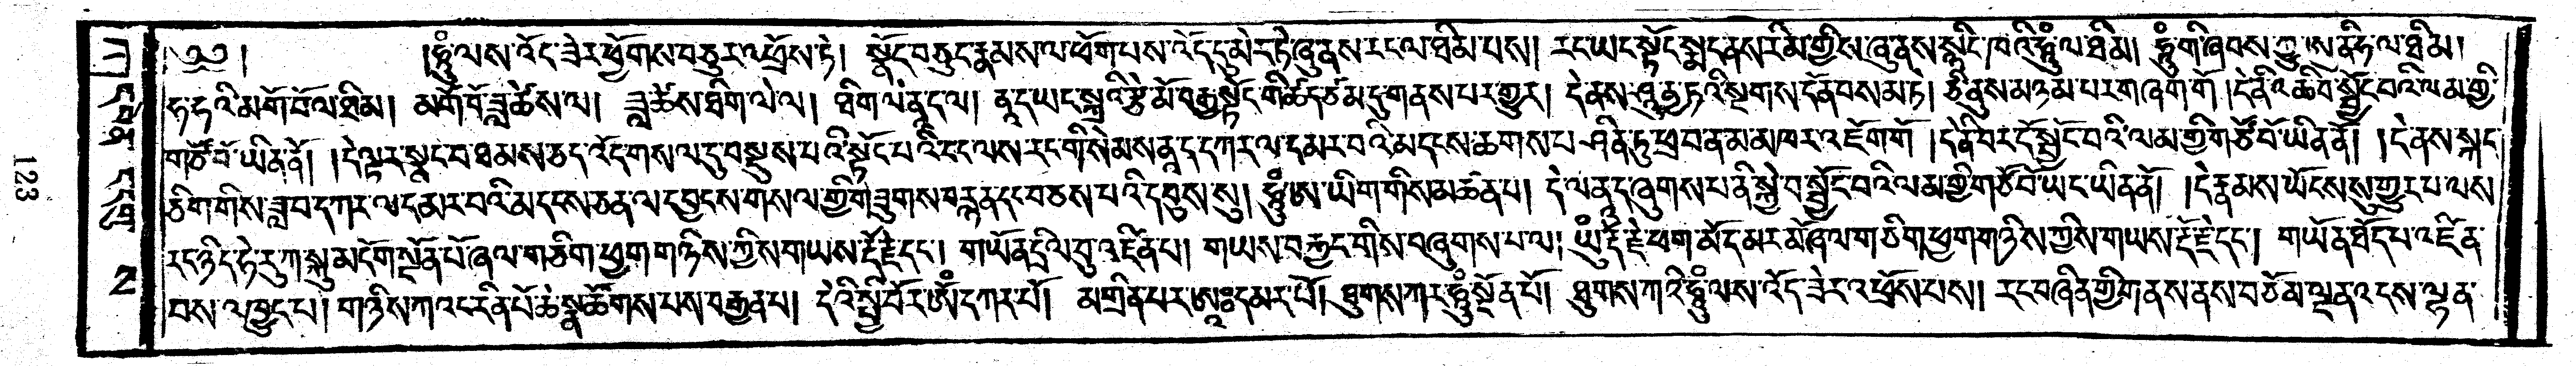༄༅། །ཧཱུཾ་ལས་འོད་ཟེར་ཕྱོགས་བཅུར་འཕྲོས་ཏེ། སྣོད་བཅུང་རྣམས་ལ་ཕོག་པས་འོད་དུ་མེད་ཏེ་ཞུ་ནས་རང་ལ་ཐིམ་པས། རང་ཡང་སྟོང་སྨད་ནས་རིམ་གྱིས་ཞུ་ནས་སྙིང་ཁའི་ཧཱུཾ་ལ་ཐིམ། ཧཱུཾ་གི་ཞབས་ཀྱུ་ཨུ་ནི་ཧ་ལ་ཐིམ།
ཧ་ཧའི་མགོ་བོ་ལ་ཐིམ། མགོ་བོ་ཟླ་ཚེས་ལ། ཟླ་ཚེས་ཐིག་ལེ་ལ། ཐིག་ལེ་ནཱ་ད་ལ། ནཱ་ད་ཡང་སྐྲའི་རྩེ་མོ་བརྒྱ་སྟོང་གི་ཚད་ཙམ་དུ་གནས་པར་གྱུར། དེ་ནས་ཤཱུ་ནྱ་ཏའི་སྔགས་དོན་བསམ་ཏེ། ཅི་ནུས་མཉམ་པར་གཞག་གོ །དེ་ནི་འཆི་བ་སྦྱོང་བའི་ལམ་གྱི་
གཙོ་བོ་ཡིན་ནོ། །དེ་ལྟར་སྣང་བ་ཐམས་ཅད་འོད་གསལ་དུ་བསྡུས་པའི་སྟོང་པའི་དང་ལས་རང་གི་སེམས་ནཱ་ད་དཀར་ལ་དམར་བའི་མདངས་ཆགས་པ་ཤིན་ཏུ་ཕྲ་བ་ན་མ་མཁར་འཇོག་གོ །དེ་ནི་བར་དོ་སྦྱོང་བའི་ལམ་གྱི་གཙོ་བོ་ཡིན་ནོ། །དེ་ནས་སྐད་
ཅིག་གིས་ཟླ་བ་དཀར་ལ་དམར་བའི་མདངས་ཅན་ལ་དབྱངས་གསལ་གྱི་གཟུགས་བརྙན་དང་བཅས་པའི་དབུས་སུ། ཧཱུཾ་ཨ་ཡིག་གིས་མཚན་པ། དེ་ལ་ནཱ་ད་ཞུགས་པ་ནི་སྐྱེ་བ་སྦྱོང་བའི་ལམ་གྱི་གཙོ་བོ་ཡང་ཡིན་ནོ། །དེ་རྣམས་ཡོངས་སུ་གྱུར་པ་ལས་
རང་ཉིད་ཧེ་རུ་ཀ་སྐུ་མདོག་སྔོན་པོ་ཞལ་གཅིག་ཕྱག་གཉིས་ཀྱིས་གཡས་རྡོ་རྗེ་དང་། གཡོན་དྲིལ་བུ་འཛིན་པ། གཡས་བརྐྱང་གིས་བཞུགས་པ་ལ། ཡུཾ་རྡོ་རྗེ་ཕག་མོ་དམར་མོ་ཞལ་གཅིག་ཕྱག་གཉིས་ཀྱིས་གཡས་རྡོ་རྗེ་དང་། གཡོན་ཐོད་པ་འཛིན་
བས་འཁྱུད་པ། གཉིས་ཀའང་རིན་པོ་ཆེ་སྣ་ཚོགས་པས་བརྒྱན་པ། དེའི་སྤྱི་བོར་ཨོཾ་དཀར་པོ། མགྲིན་པར་ཨཱཿ དམར་པོ། ཐུགས་ཀར་ཧཱུཾ་སྔོན་པོ། ཐུགས་ཀའི་ཧཱུཾ་ལས་འོད་ཟེར་འཕྲོས་པས། རང་བཞིན་གྱིས་གནས་ནས་བཅོམ་ལྡན་འདས་ལྷན་